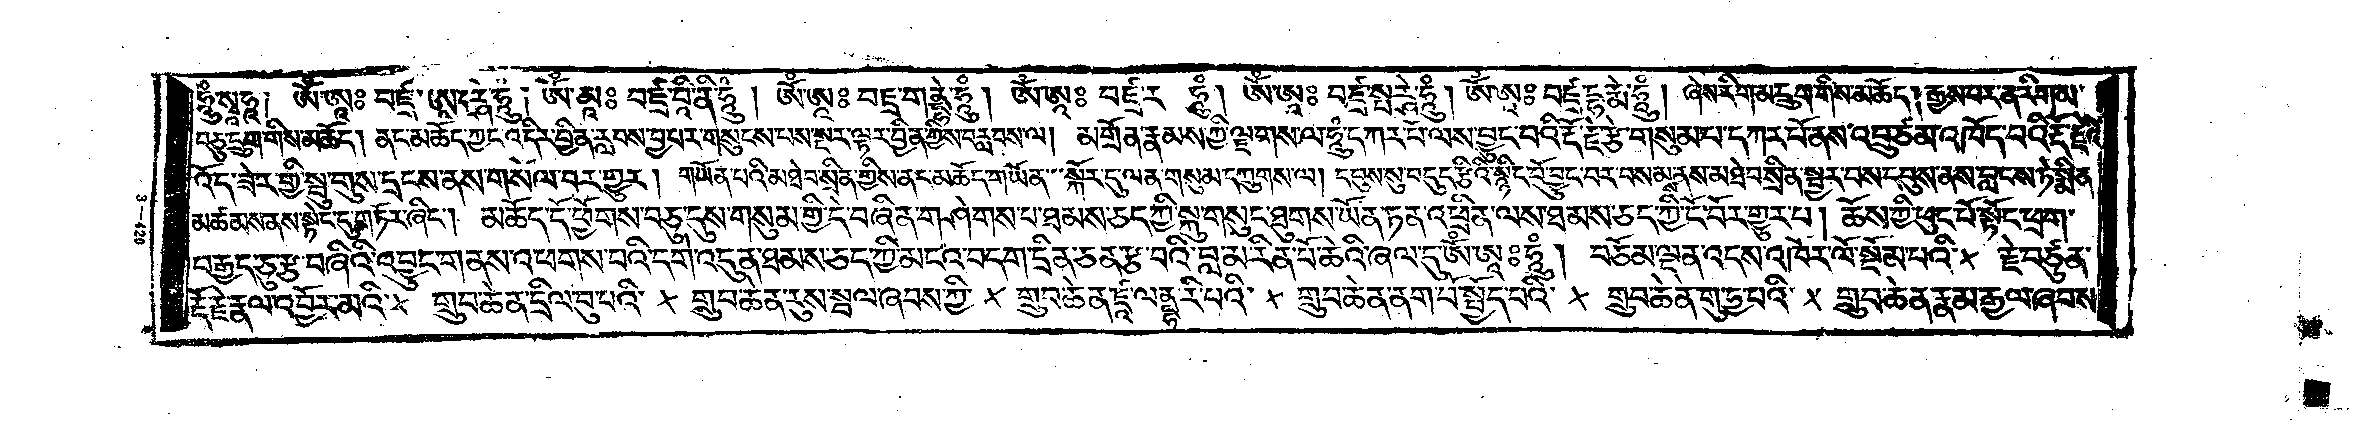ཧཱུཾ་སྭཱཧཱ། ཨོཾ་ཨཱཿབཛྲ་ཨཱདརྴེ་ཧཱུཾ༑ ཨོཾ་ཨཱཿབཛྲ་བཱི་ནི་ཧཱུཾ། ཨོཾ་ཨཱཿབཛྲ་གནྡྷེ་ཧཱུཾ། ཨོཾ་ཨཱཿབཛྲ་ར་ཧཱུཾ། ཨོཾ་ཨཱཿབཛྲ་སྤརྴེ་ཧཱུཾ། ཨོཾ་ཨཱཿབཛྲ་དྷརྨེ་ཧཱུཾ། ཞེས་རིག་མ་དྲུག་གིས་མཆོད།  རྒྱས་པར་ན་རིག་མ་
བཅུ་དྲུག་གིས་མཆོད། ནང་མཆོད་ཀྱང་འདིར་བྱིན་རླབས་བྱ་པར་གསུངས་པས་སྔར་ལྟར་བྱིན་གྱིས་བརླབས་ལ། མགྲོན་རྣམས་ཀྱི་ལྗགས་ལ་ཧཱུཾ་དཀར་པོ་ལས་བྱུང་བའི་རྡོ་རྗེ་རྩེ་གསུམ་པ་དཀར་པོ་ནས་འབྲུ་ཙམ་འཁོད་པའི་རྡོ་རྗེའི་
འོད་ཟེར་གྱི་སྦུ་གུས་དྲངས་ནས་གསོལ་བར་གྱུར། གཡོན་པའི་མཐེབ་སྲིན་གྱིས་ནང་མཆོད་གཡོན་སྐོར་དུ་ལན་གསུམ་དཀྲུགས་ལ། དབུས་སུ་བདུད་རྩིའི་སྙིང་པོ་བྱུང་བར་བསམས་ནས་མཐེབ་སྲིན་སྦྱར་བས་དབུས་ནས་བླངས་ཏེ་སྨིན་
མཚམས་ནས་སྟེང་དུ་གཏོར་ཞིང་། མཆོད་དོ་ཕྱོགས་བཅུ་དུས་གསུམ་གྱི་དེ་བཞིན་གཤེགས་པ་ཐམས་ཅད་ཀྱི་སྐུ་གསུང་ཐུགས་ཡོན་ཏན་འཕྲིན་ལས་ཐམས་ཅད་ཀྱི་ངོ་བོར་གྱུར་པ། ཆོས་ཀྱི་ཕུང་པོ་སྟོང་ཕྲག་
བརྒྱད་ཅུ་རྩ་བཞིའི་འབྱུང་གནས་འཕགས་པའི་དགེ་འདུན་ཐམས་ཅད་ཀྱི་མངའ་བདག་དྲིན་ཅན་རྩ་བའི་བླ་མ་རིན་པོ་ཆེའི་ཞལ་དུ་ཨོཾ་ཨཱཿཧཱུཾ། བཅོམ་ལྡན་འདས་འཁོར་ལོ་སྡོམ་པའི་྾་རྗེ་བཙུན་
རྡོ་རྗེ་རྣལ་འབྱོར་མའི་྾་གྲུབ་ཆེན་དྲིལ་བུ་པའི་྾་གྲུབ་ཆེན་རུས་སྦལ་ཞབས་ཀྱི་྾་གྲུབ་ཆེན་ཛཱ་ལནྡྷ་རི་པའི་྾་གྲུབ་ཆེན་ནག་པོ་སྤྱོད་པའི་྾་གྲུབ་ཆེན་གུ་ཧྱ་པའི་྾་གྲུབ་ཆེན་རྣམ་རྒྱལ་ཞབས་